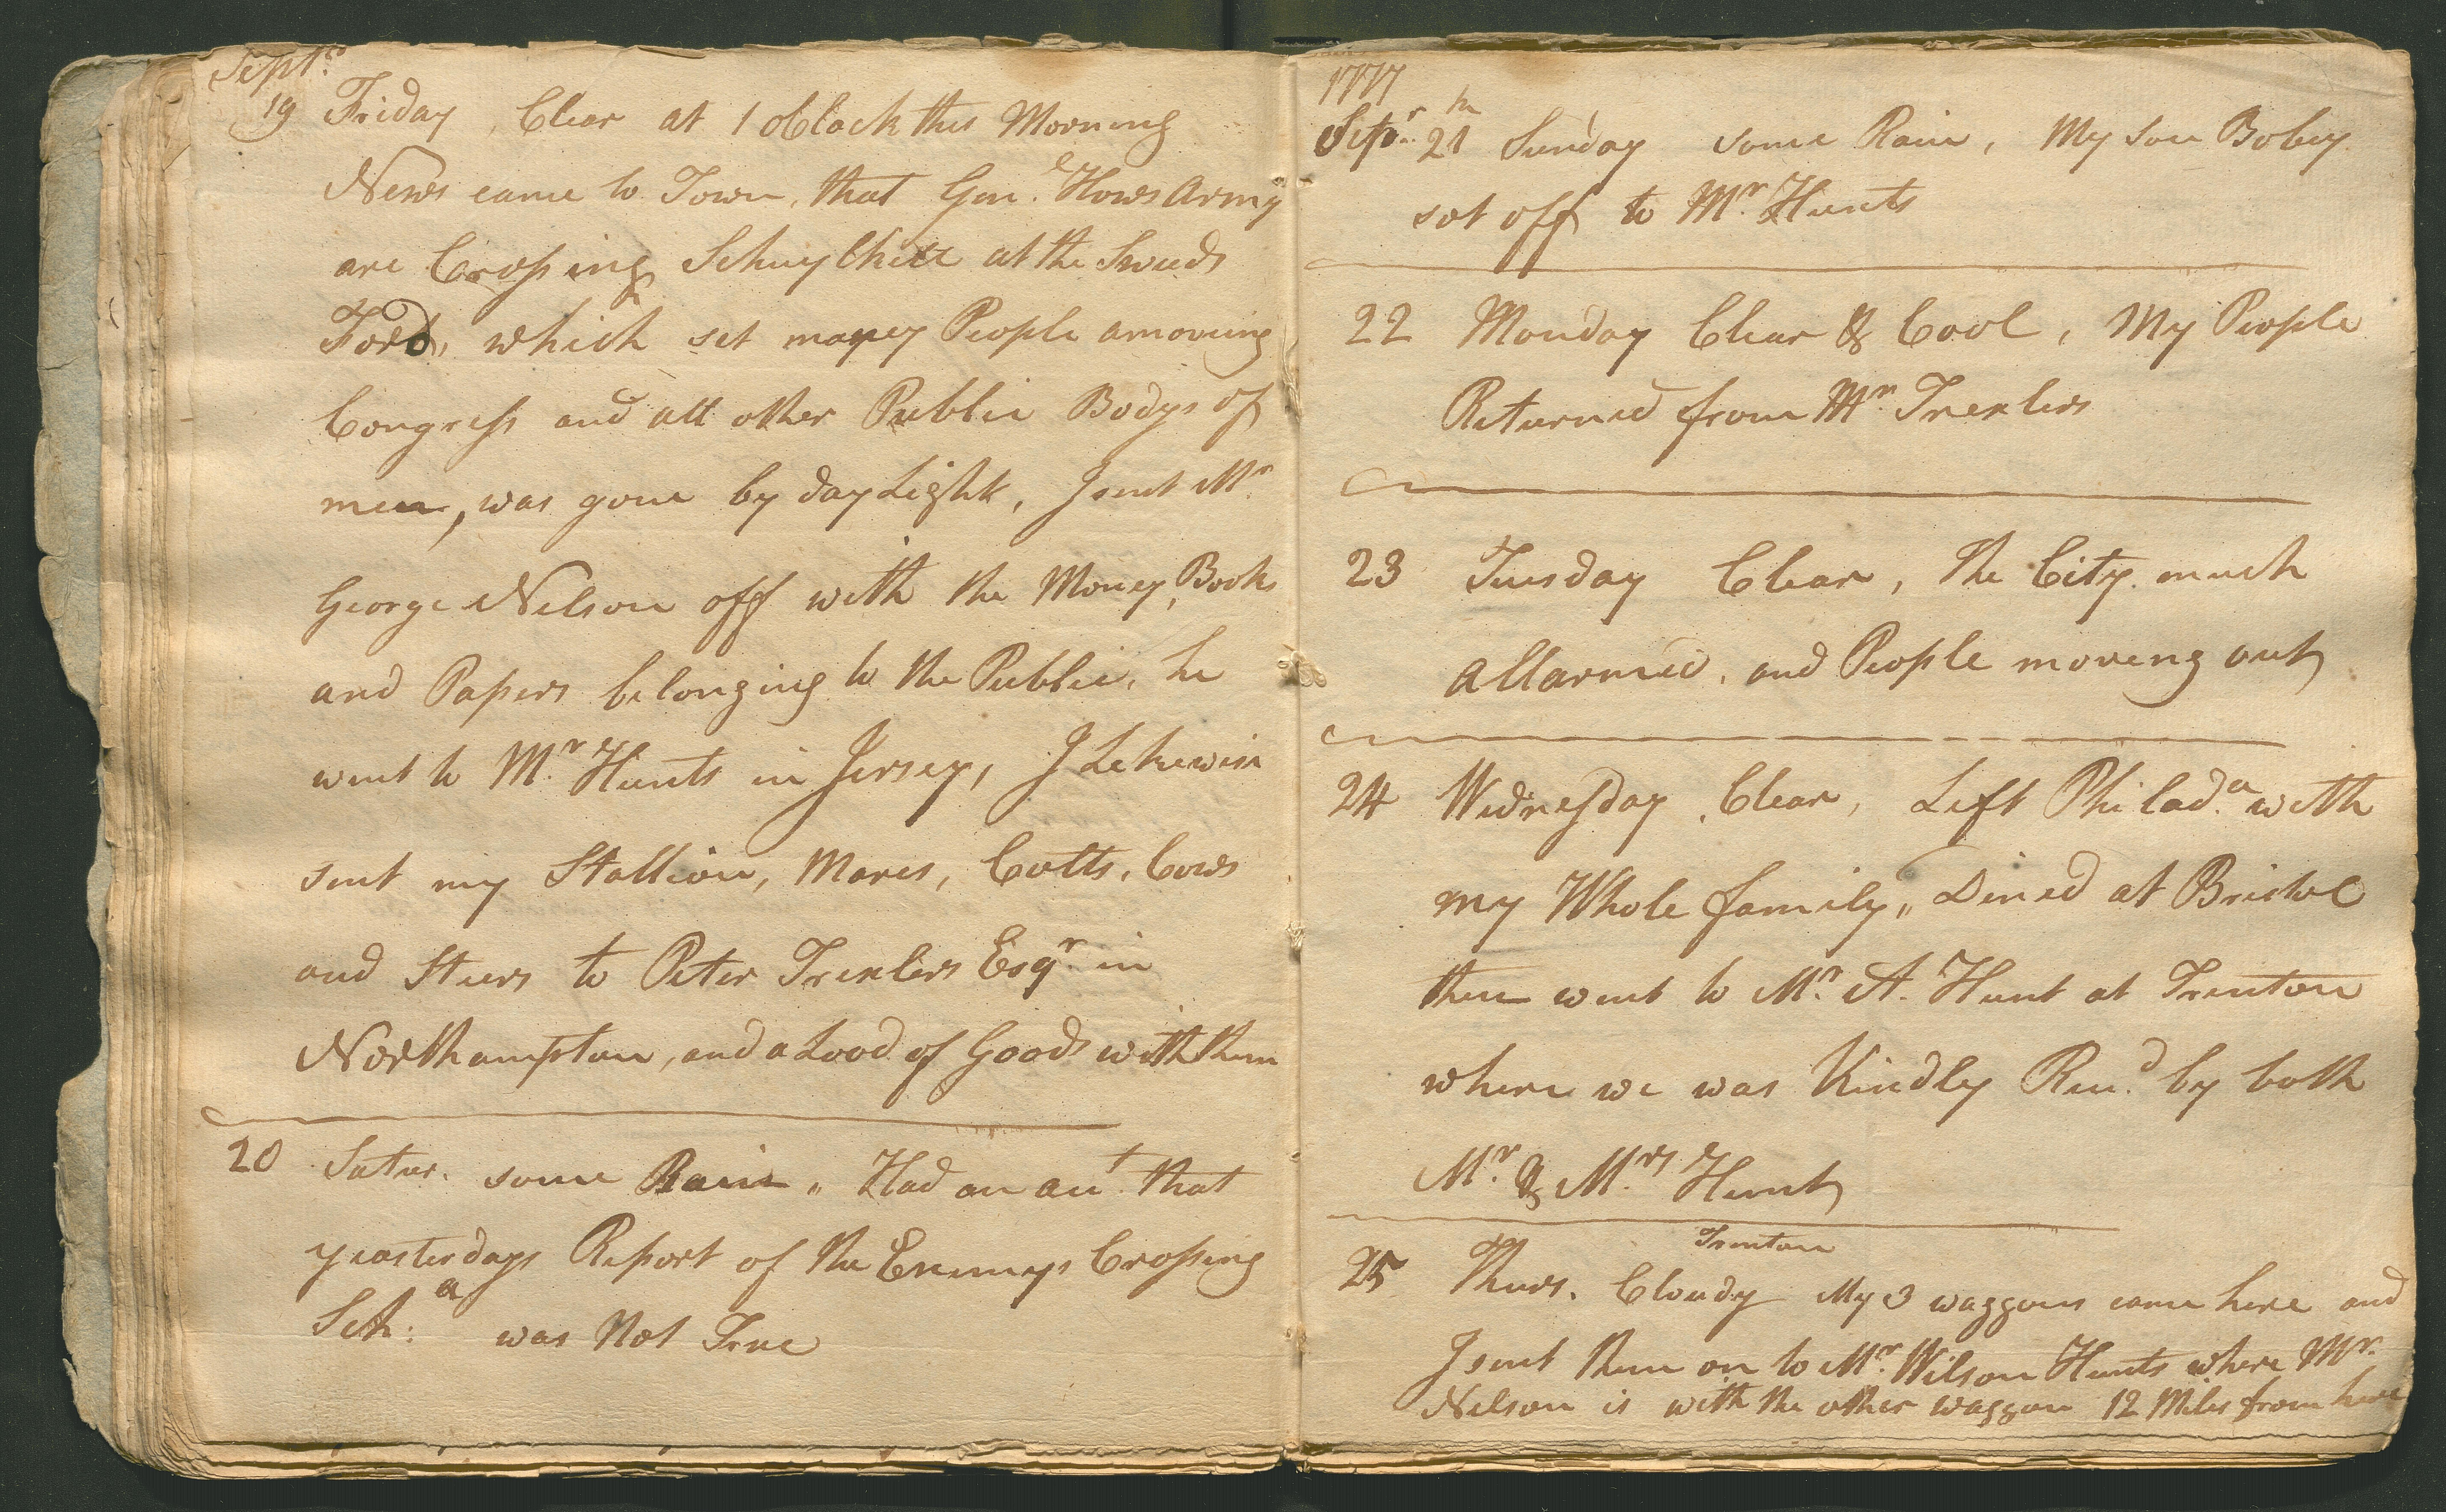Sept^r.
19 Friday, Clear at 1 oClock this Morning
News came to Town that Gen^l. Hows Army
are Crossing Schuylkill at the Sweeds
Ford which set many People amoveing
Congress and all other Public Bodys of
men, was gone by day Light. I sent M^r.
George Nelson off with the Money Books
and Papers belonging to the Public, he
went to M^r. Hunts in Jersey, I Likewise
sent my Stallion, Mares, Colts, Cows
and Stiers to Peter Trenlers Esq^r. in
Northampton, and a Load of Goods with them
20 Satur. some Rain. Had an acc^t. that
yeasterdays Report of the Enemys Crossing
Sch^a. was Not True
1777
Sep^r. 21^th Sunday some Rain. My son Bobey
set off to M^r. Hunts
22 Monday Clear & Cool, My People
Returned from M^r. Trenlers
23 Tuesday Clear, The City much
Allarmed, and People moving out
24 Wednesday Clear, Left Philad^a. with
my Whole family, Dined at Bristol
then went to M^r. A. Hunt at Trenton
where we was Kindly Rec^d. by both
M^r. & M^rs. Hunt
Trenton
25 Thurs. Cloudy My 3 waggons came here and
I sent them on to M^r. Wilson Hunts where M^r.
Nelson is with the other waggon 12 Miles from here